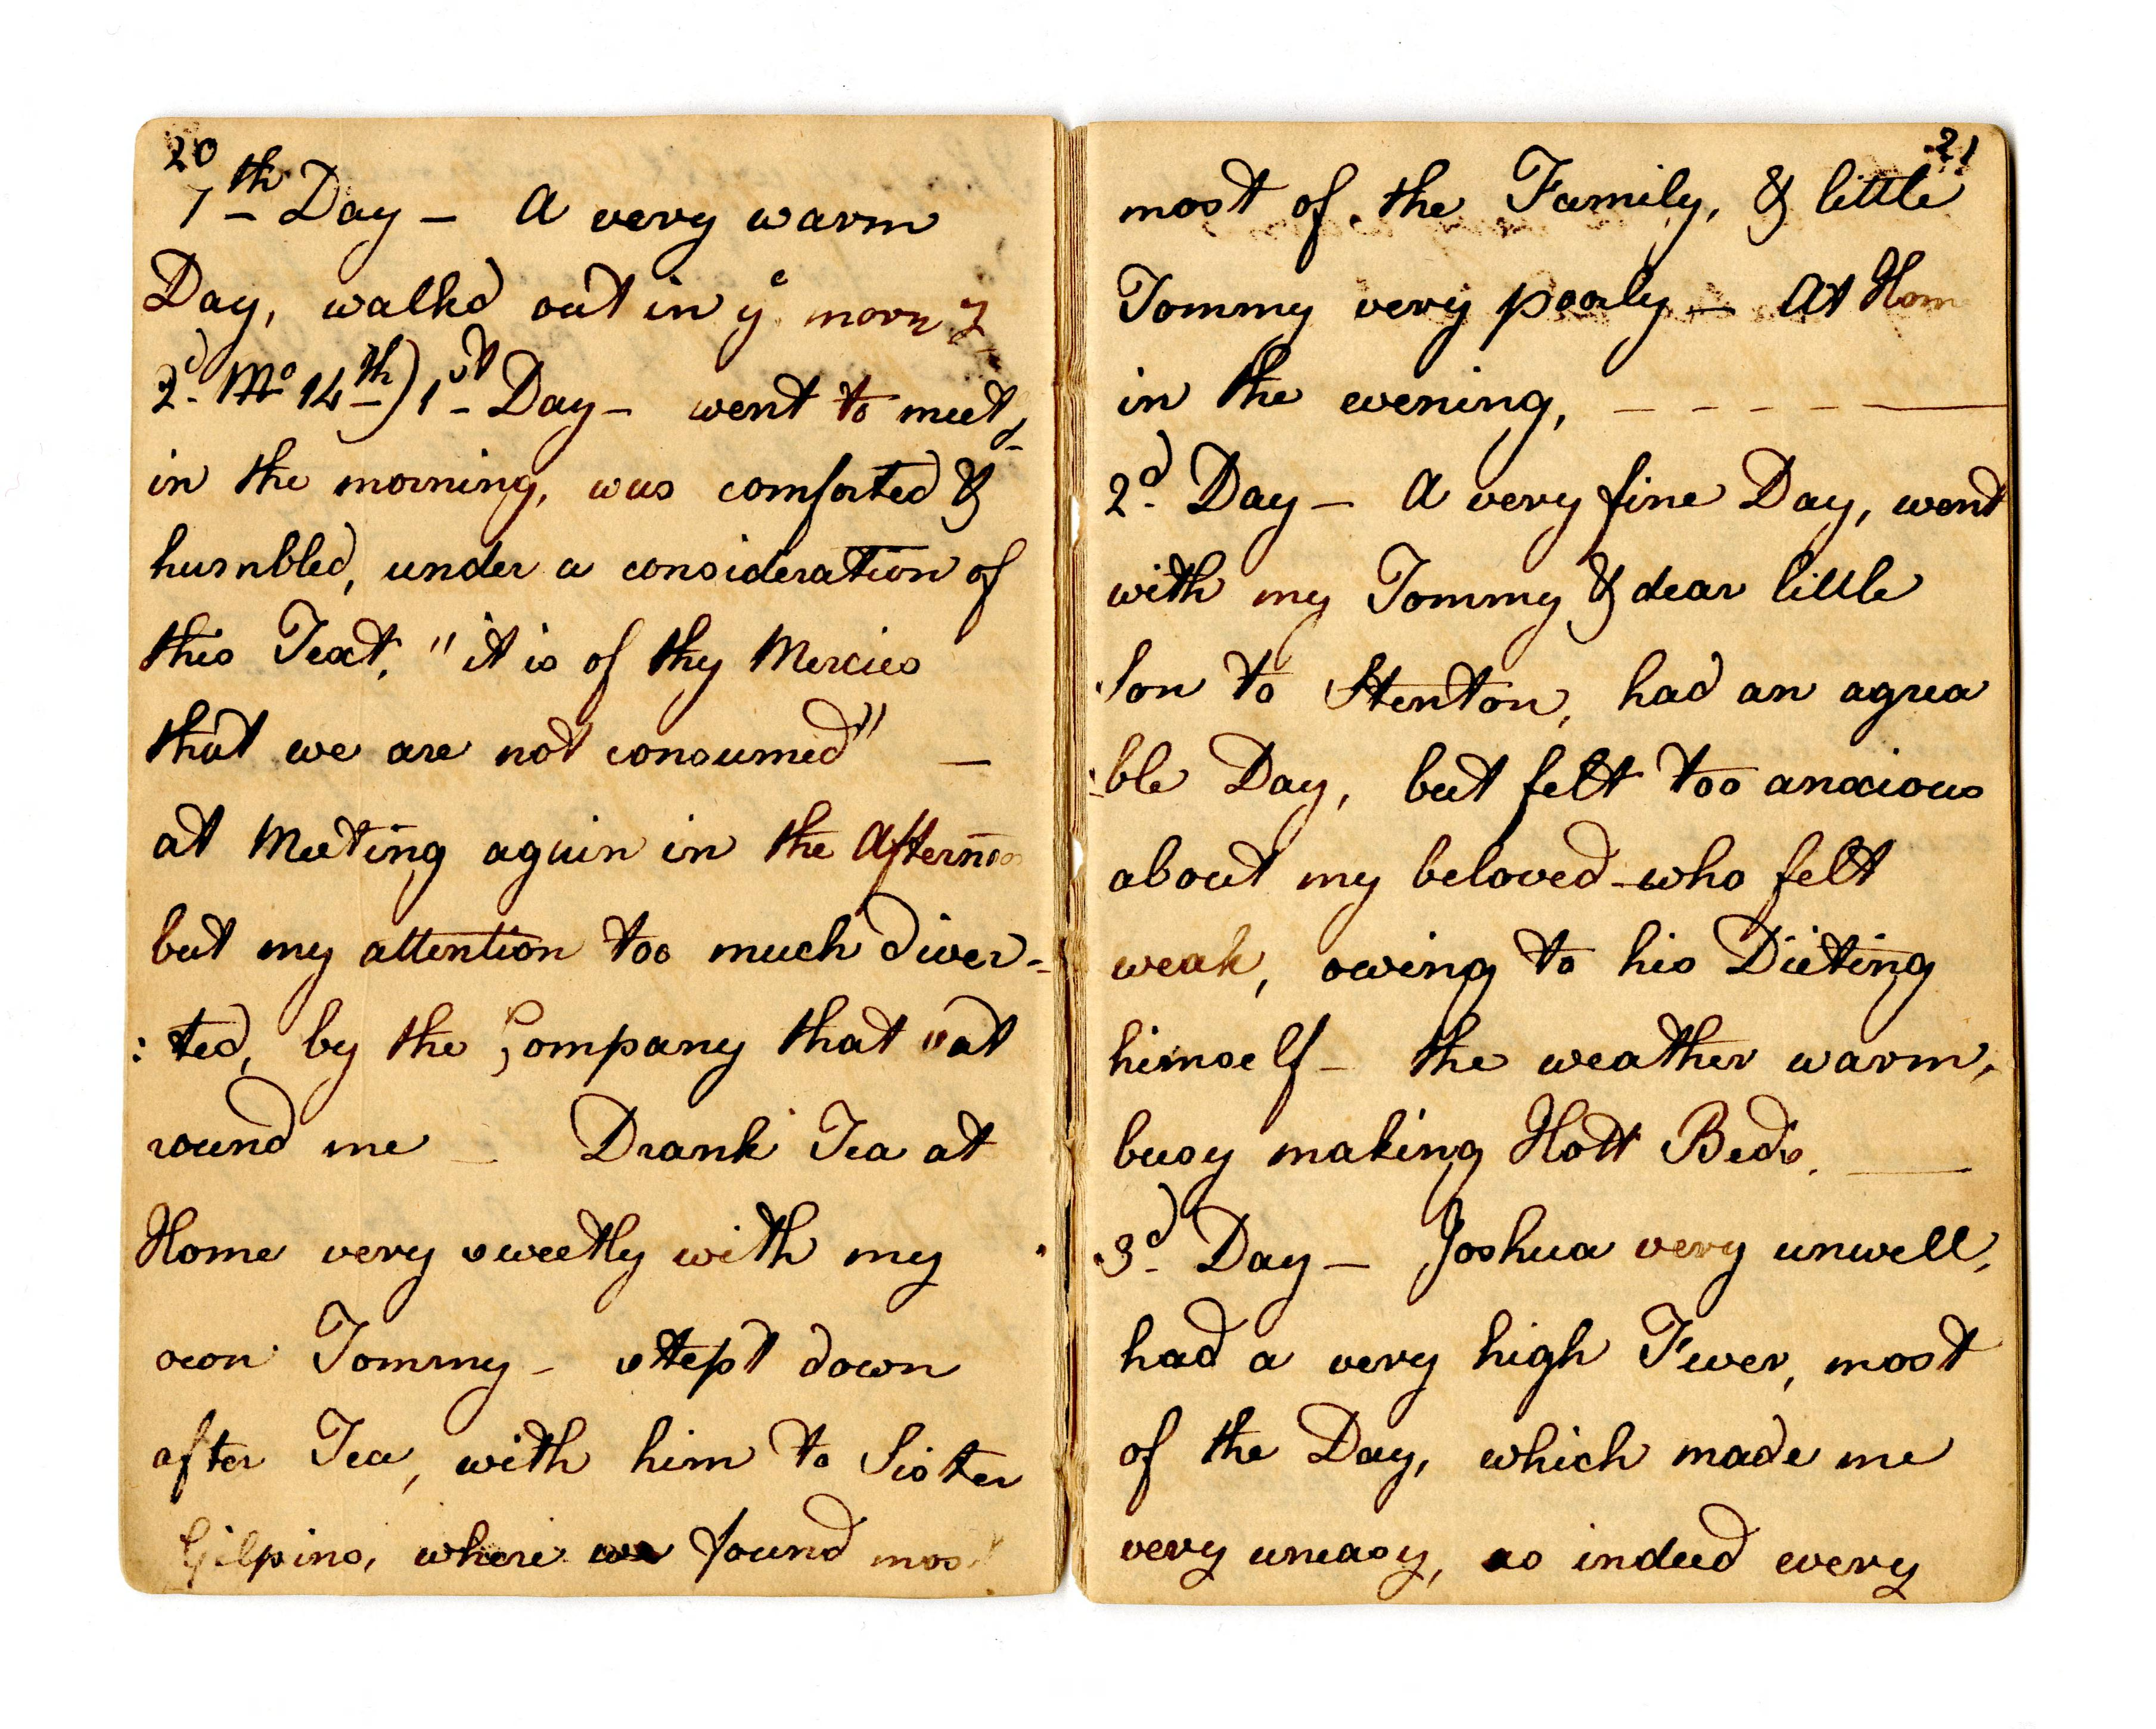20
7^th Day- A very warm
Day, walkd out in y^e morn^g
2^d M^o 14^th) 1^st Day- went to meet^g
in the morning, was comforted &
humbled under a consideration of
this Text "it is of thy Mercies
that we are not consumed"
at Meeting again in the Afternoon
but my attention too much diver-
-ted, by the Company that sat
round me Drank Tea at
Home very sweetly with my
own Tommy- stept down
after Tea, with him to Sister
Gilpins, where we found most
21
most of the Family, & little
Tommy very poorly- At Hom
in the evening,
2^d. Day- A very fine Day, went
with my Tommy & dear little
Son to Stenton, had an agrea
-ble Day, but felt too anxious
about my beloved- who felt
weak, owing to his Dieting
himself- the weather warm,
busy making Hott Beds
3^d Day- Joshua very unwell,
had a very high Fever, most
of the Day, which made me
very uneasy, as indeed every